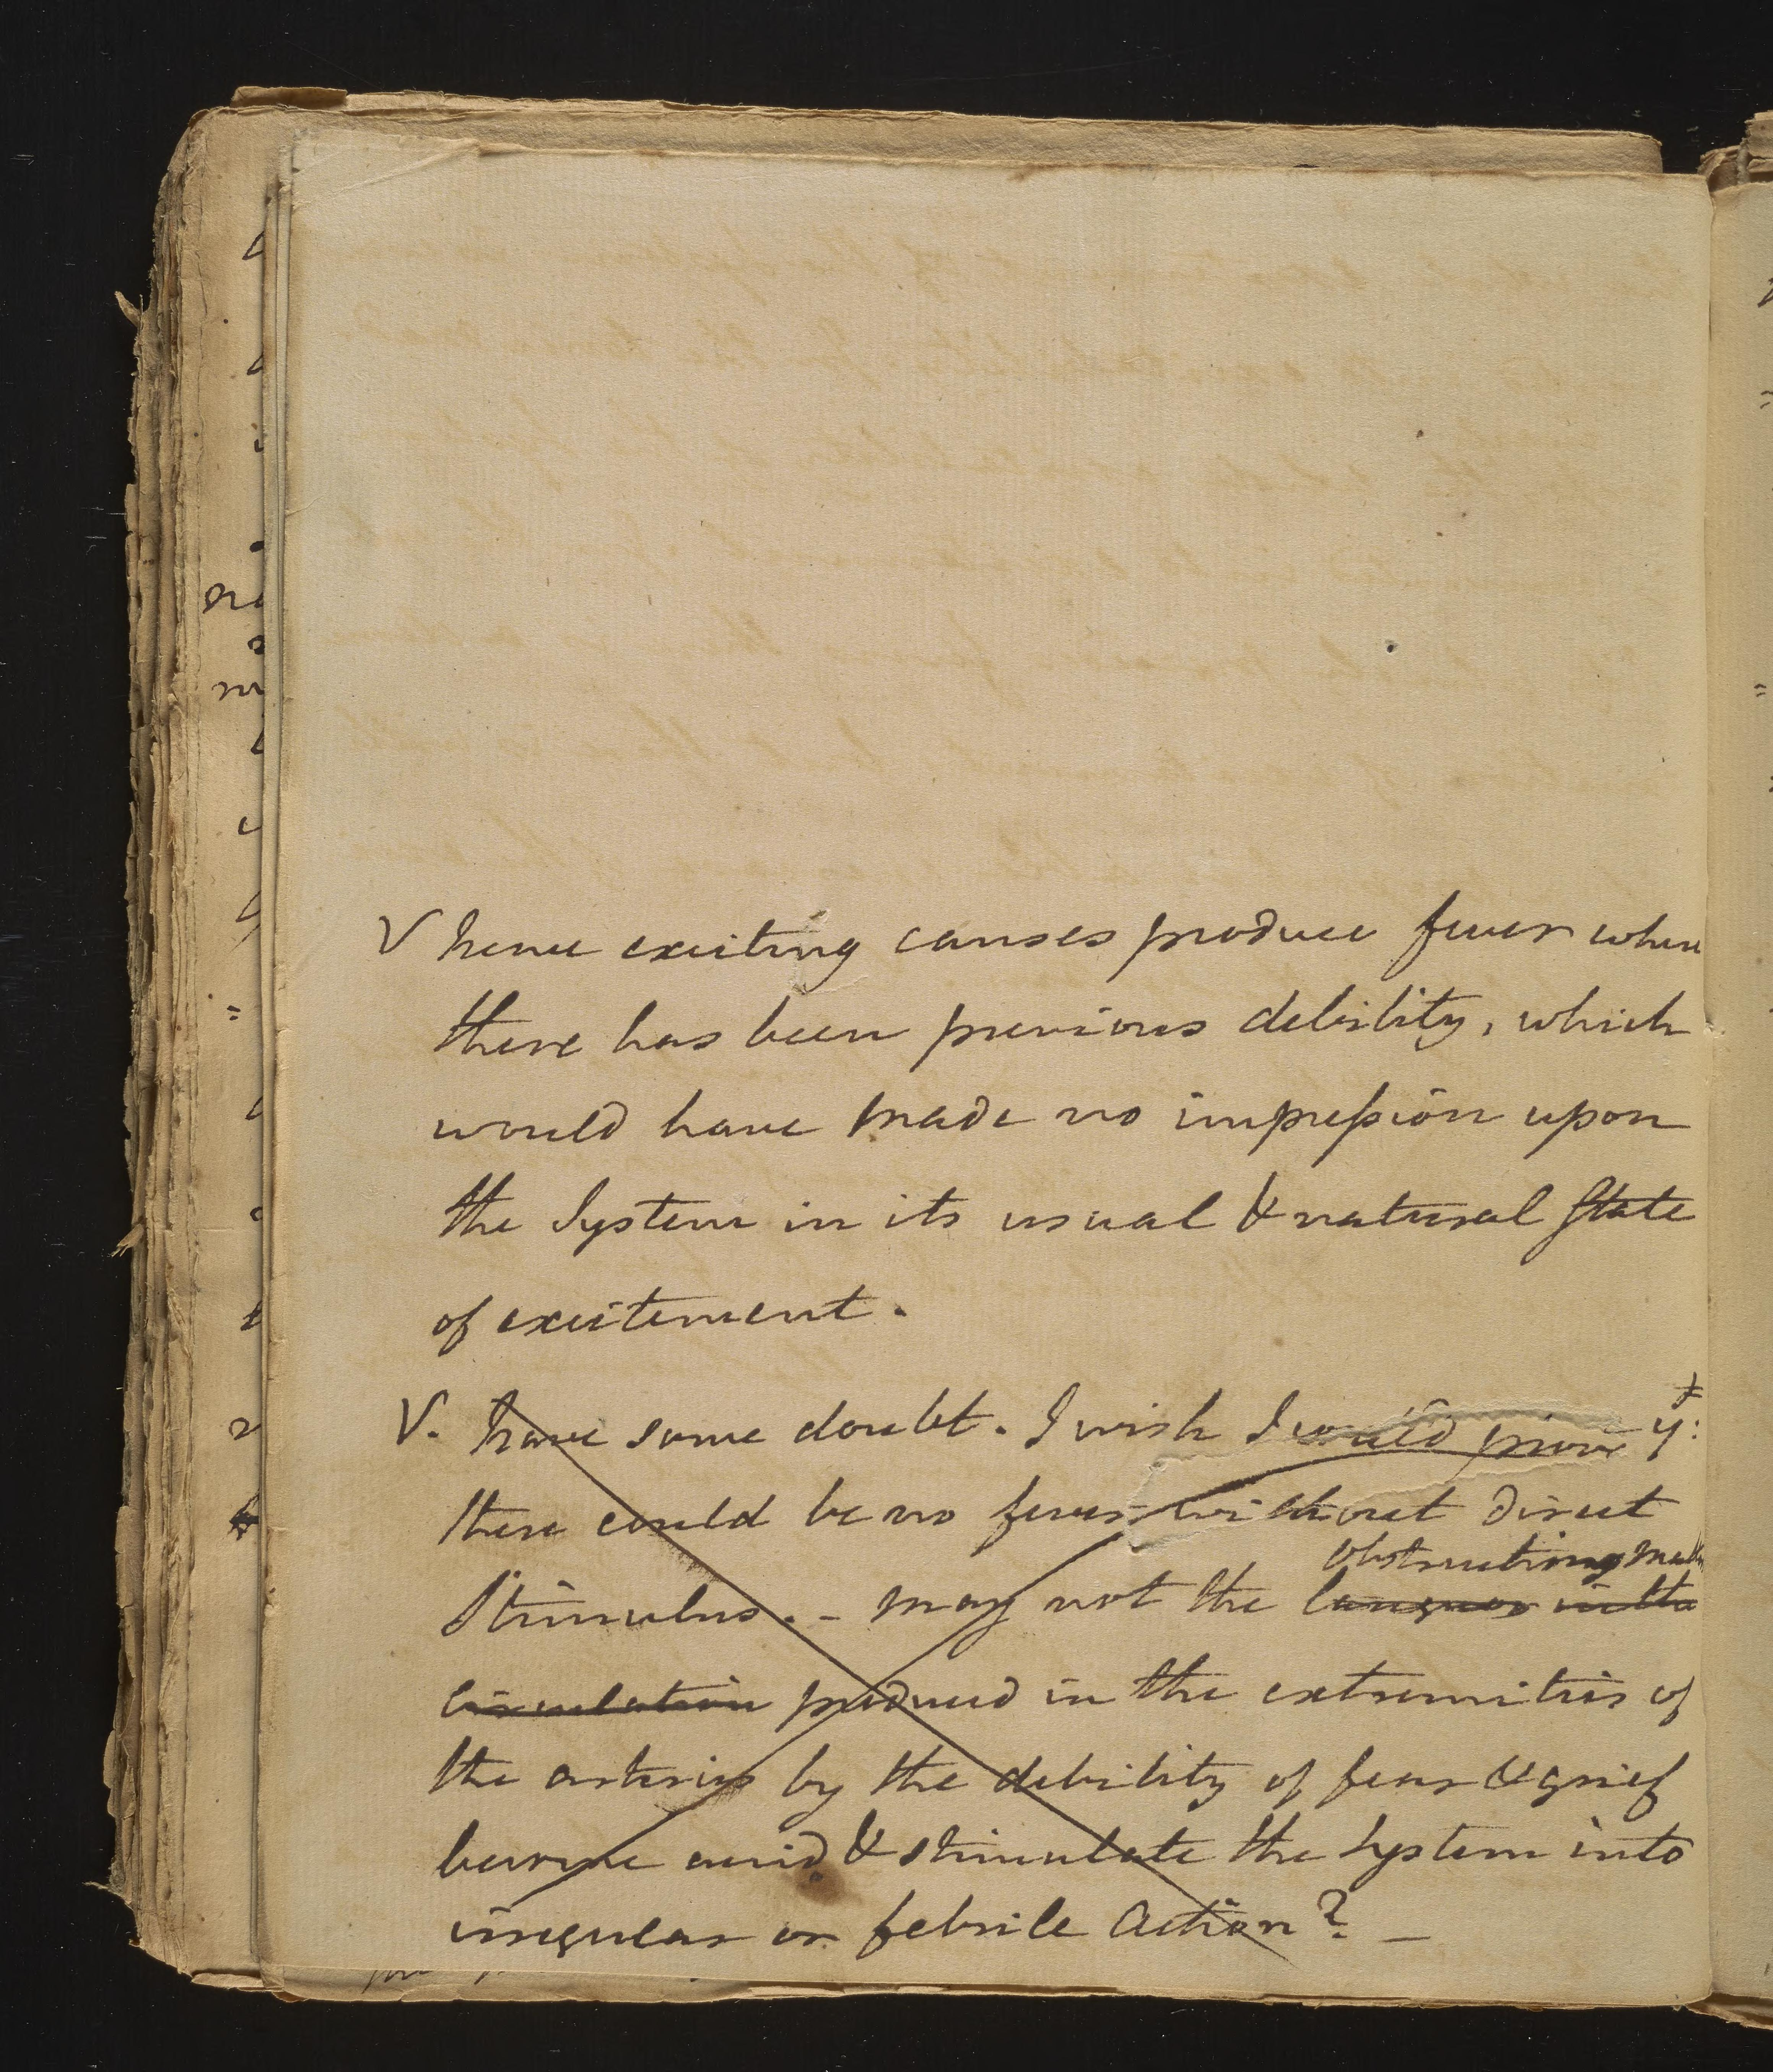V hence exciting causes produce fever when
there has been previous debility, which
would have made no impression upon
the System in its usual & natural state
of excitement.
V I have some doubt. I wish I would move - y^t
there could be no fever, without direct
obstructing matters
Stimulus. May not the [languor]
[circulation] produced in the extremities of
the arteries by the debility of fear & grief
become arid & stimulate the system into
irregular or febrile action?